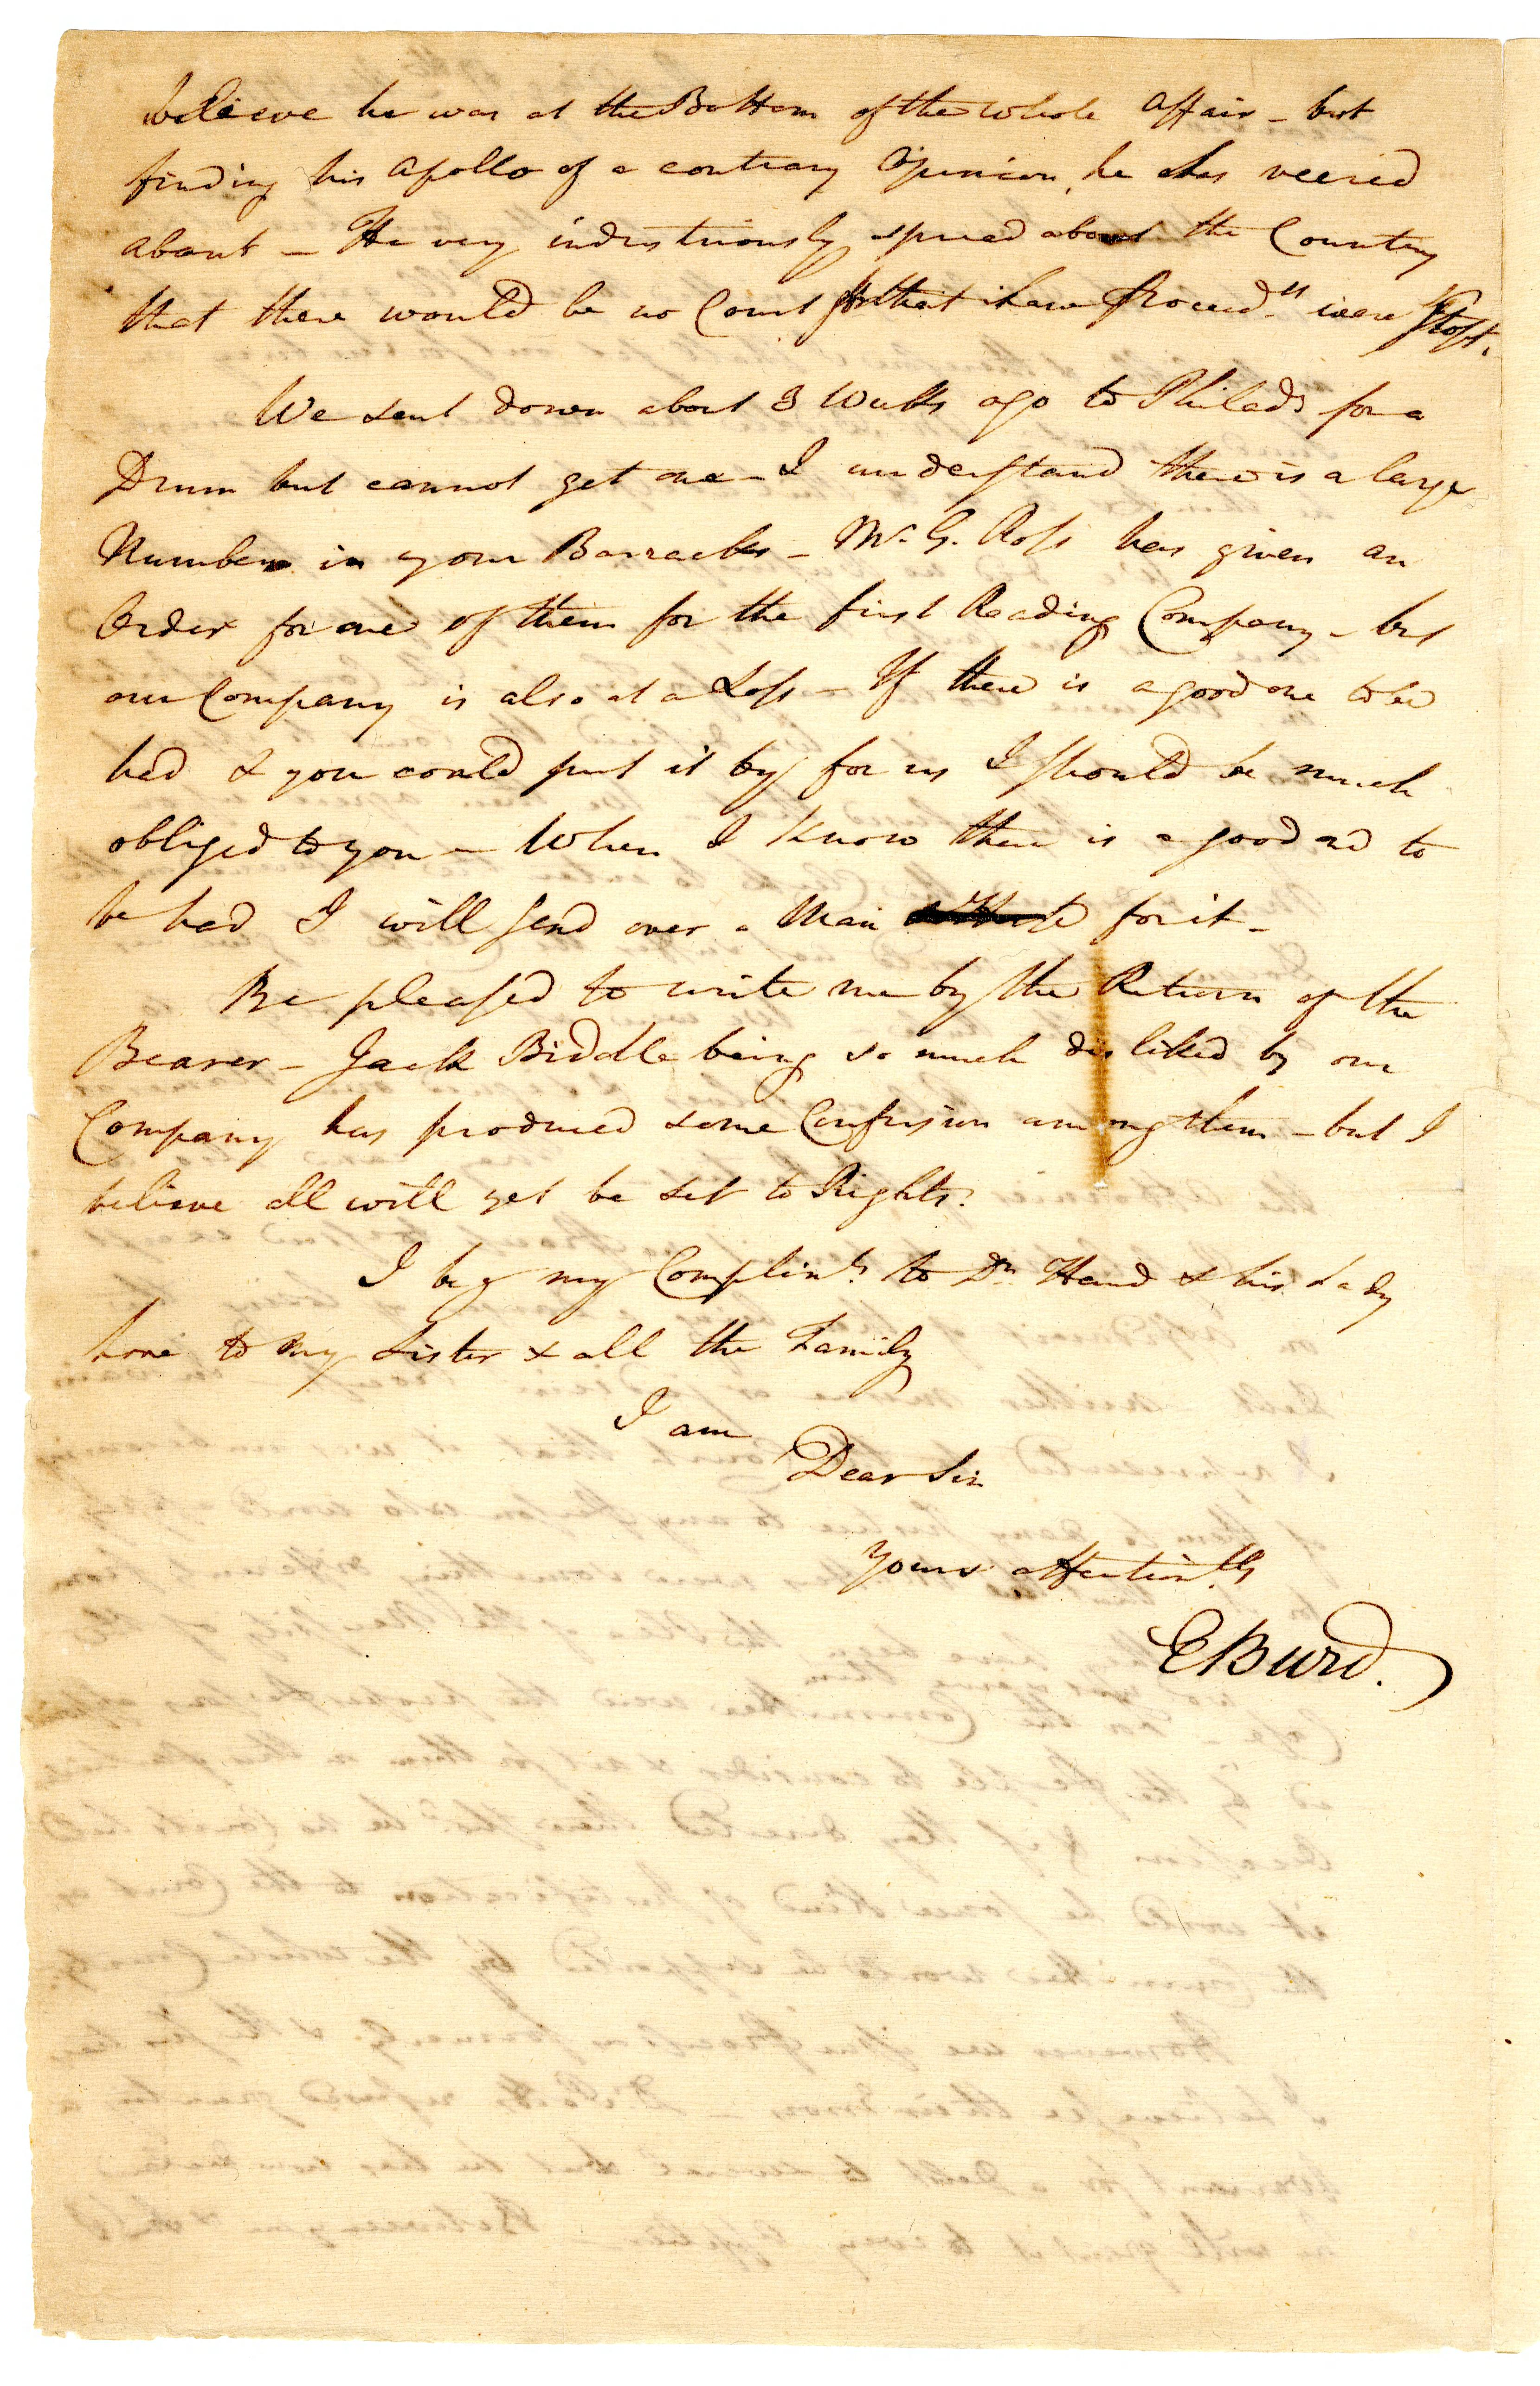believe he was at the Bottom of the whole Affair, but
finding his apollo of a contrary Opinion he has veered
about. He may industriously spread about the Country
that there would be no Court so that Law Proceed" were stopt.
We sent down about 8 Weeks also to Philad^a for a
Drum but cannot get one. I understand there is a large
Numbers in your Barracks. M^r. G. Ross has given an
Order for one of them for the first Reading Company, but
our Company is also at a Loss. If there is a good one to be
had & you could put it by for us I should be much
obliged to you. When I know there is a good one to
be had I will send over a Man [_____] for it
Be pleased to write me by the Return of the
Bearer. Jack Biddle being so much disliked by our
Company has produced some Confusion among them, but I
believe all will yet be set to Rights.
I beg my Complin^ts to D^r. Hand & his Lady
Love to my Sister & all the Family
I am
Dear Sir
Yours affection^ly
E. Burd.